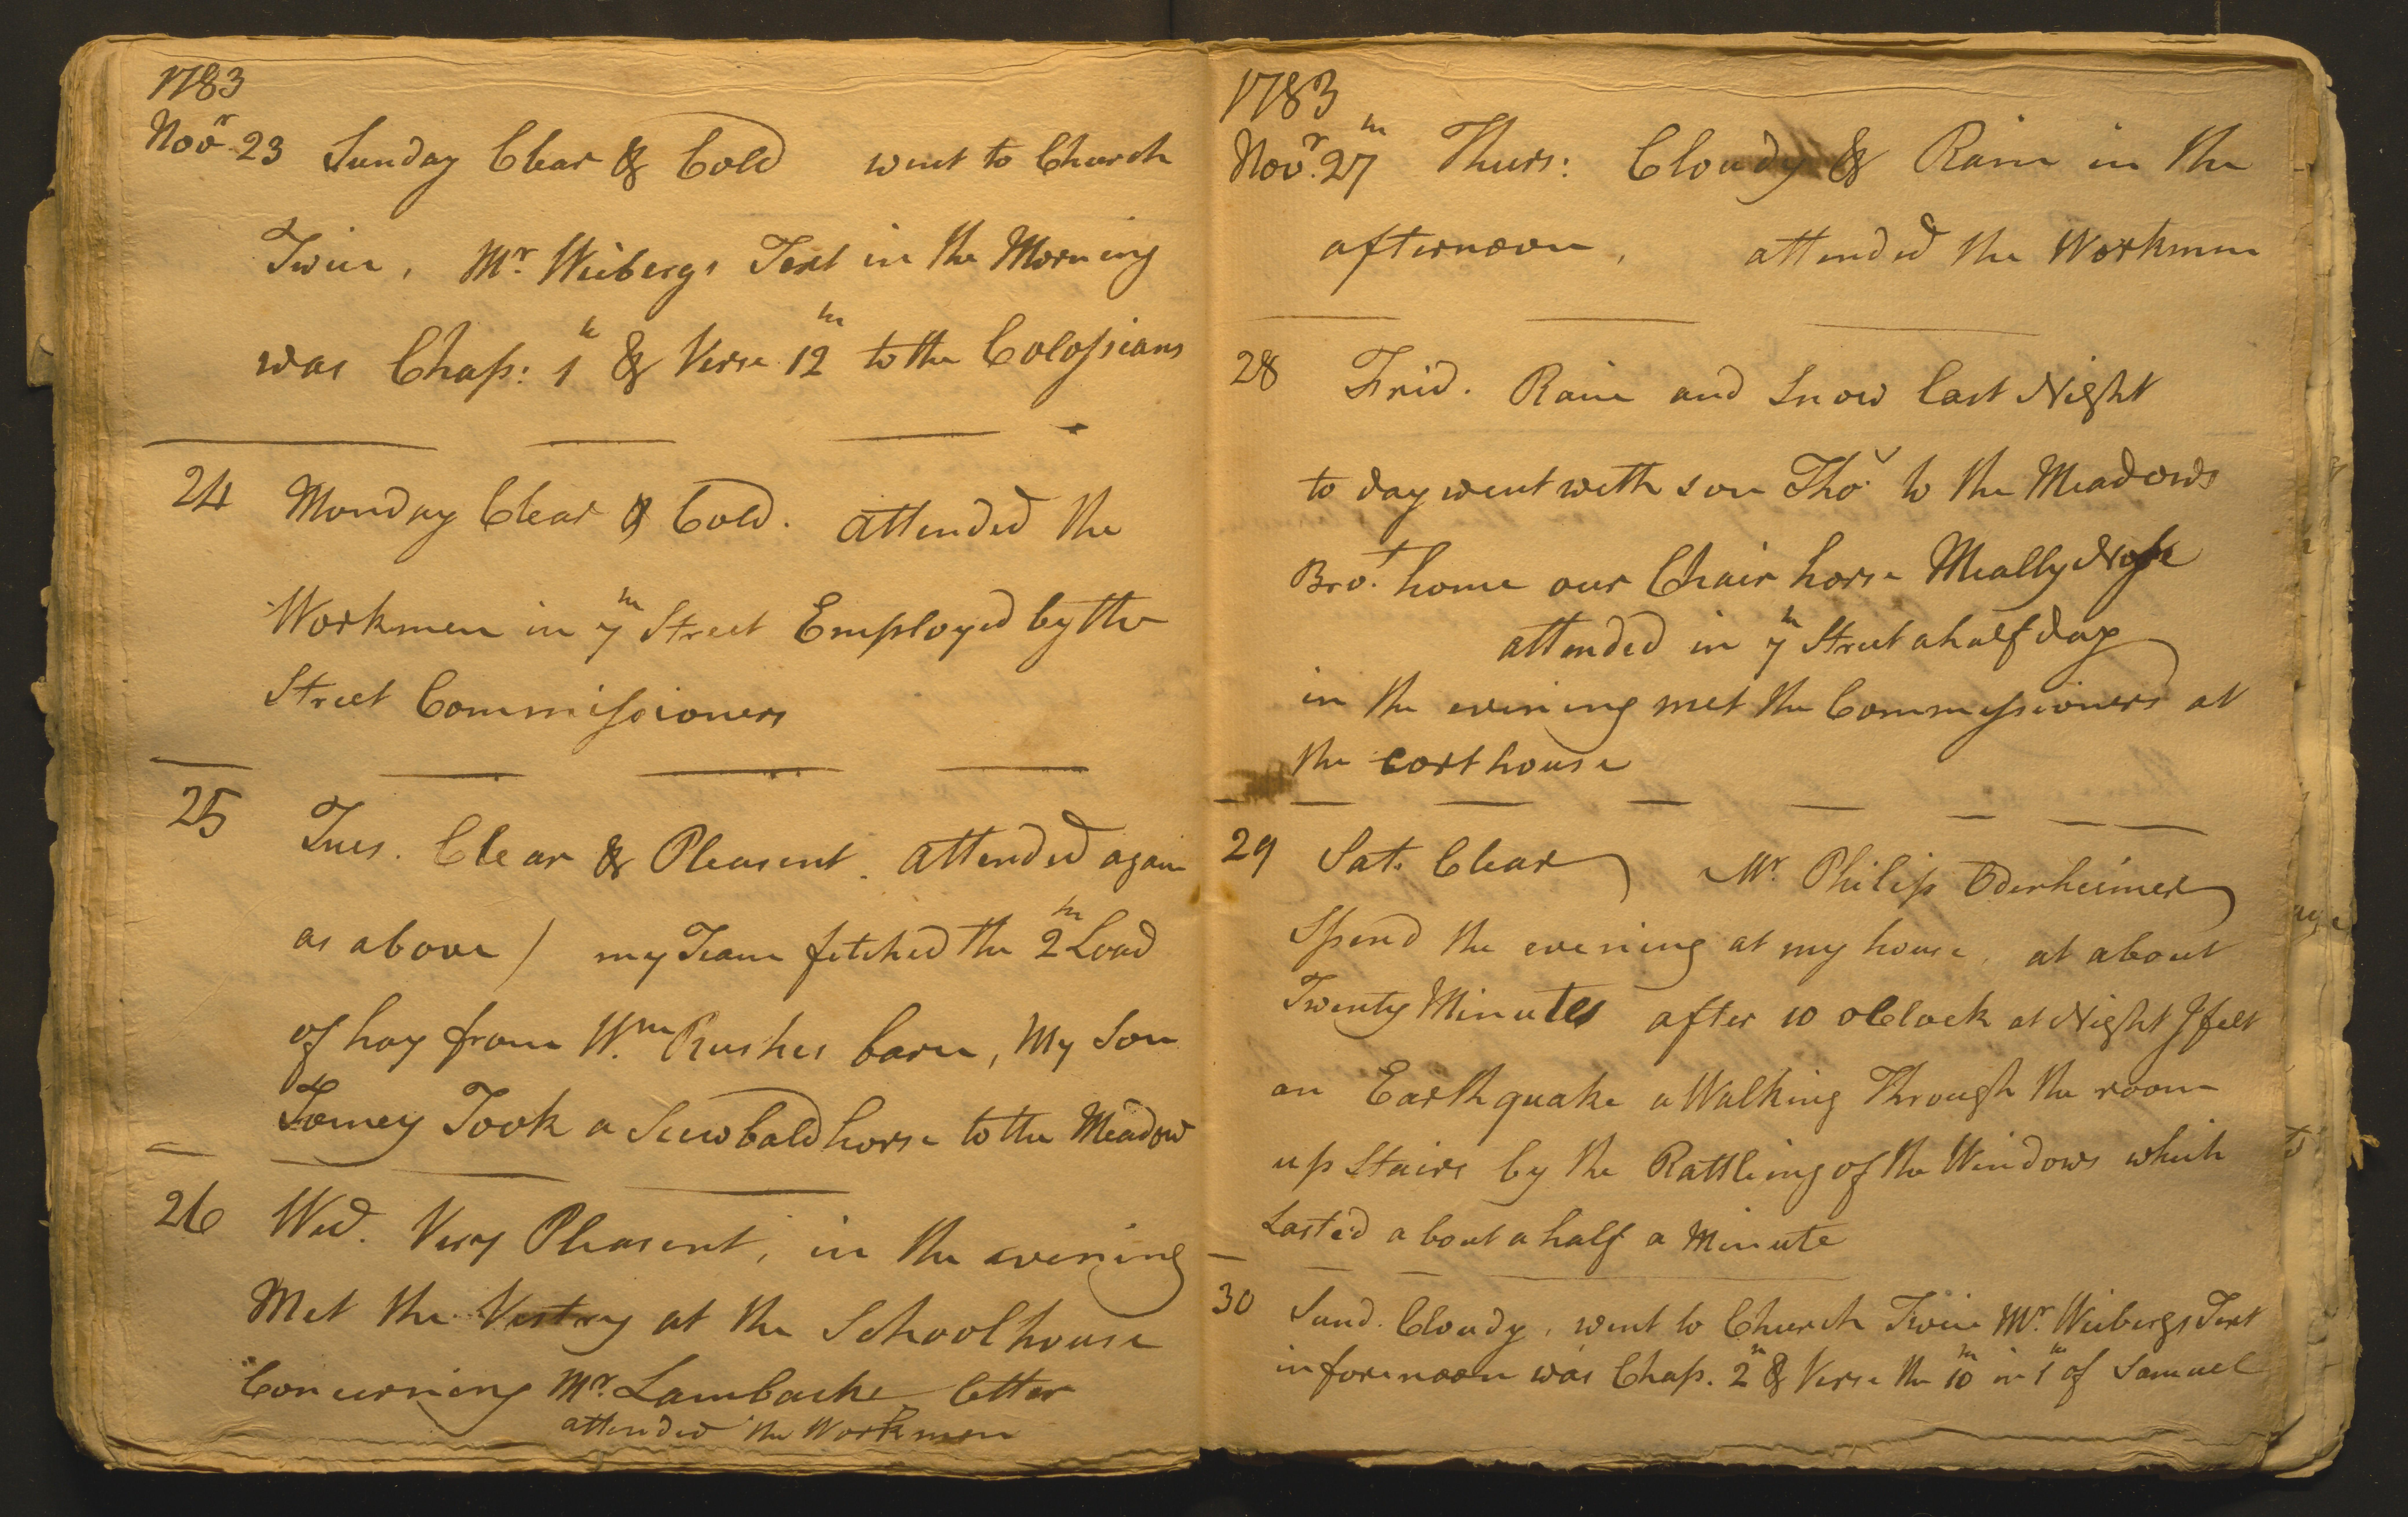1783
Nov^r 23 Sunday Clear & Cold, went to Church
Twice, M^r. Weibergs Text in the Morning
was Chap: 1^th & Verse 12^th to the Colossians
24 Monday Clear & Cold. attended the
Workmen in 7^th Street Employed by the
Street Commissioners
25 Tues. Clear & Pleasent attended again
as above / my Team fetched the 2^th Load
of hay from W^m. Rushes barn, My Son
Tomey Took a Seewbald horse to the Meadow
26 Wed. Very Pleasent, in the evening
Met the Vestry at the Schoolhouse
Concerning M^r. Lambache letter
attended the Workmen
1783
Nov^r. 27^th Thurs: Cloudy l Ram in the
afternoon, attended the Workmen
28 Frid. Rain and Snow last Night
to day went with son Tho^s to the Meadows
Bro^t. home our Chair horse Meally Nefe
attended in 7^th Street a half day,
in the evening met the Commissioners at
the cort house
29 Sat. Clear M^r. Philip Odenheimer
spend the evening at my house, at about
Twenty Minutes after 10 oClock at Night I felt
an Earthquake a Walking Through the room
up Stairs by the Rattleing of the Windows which
Laste'd a bout a half a Minute
30 Sund. Cloudy, went to Church Twice M^r. Weibergs Text
in forenoon was Chap. 2^th & Verse the 10^th in 1^th of Samuel